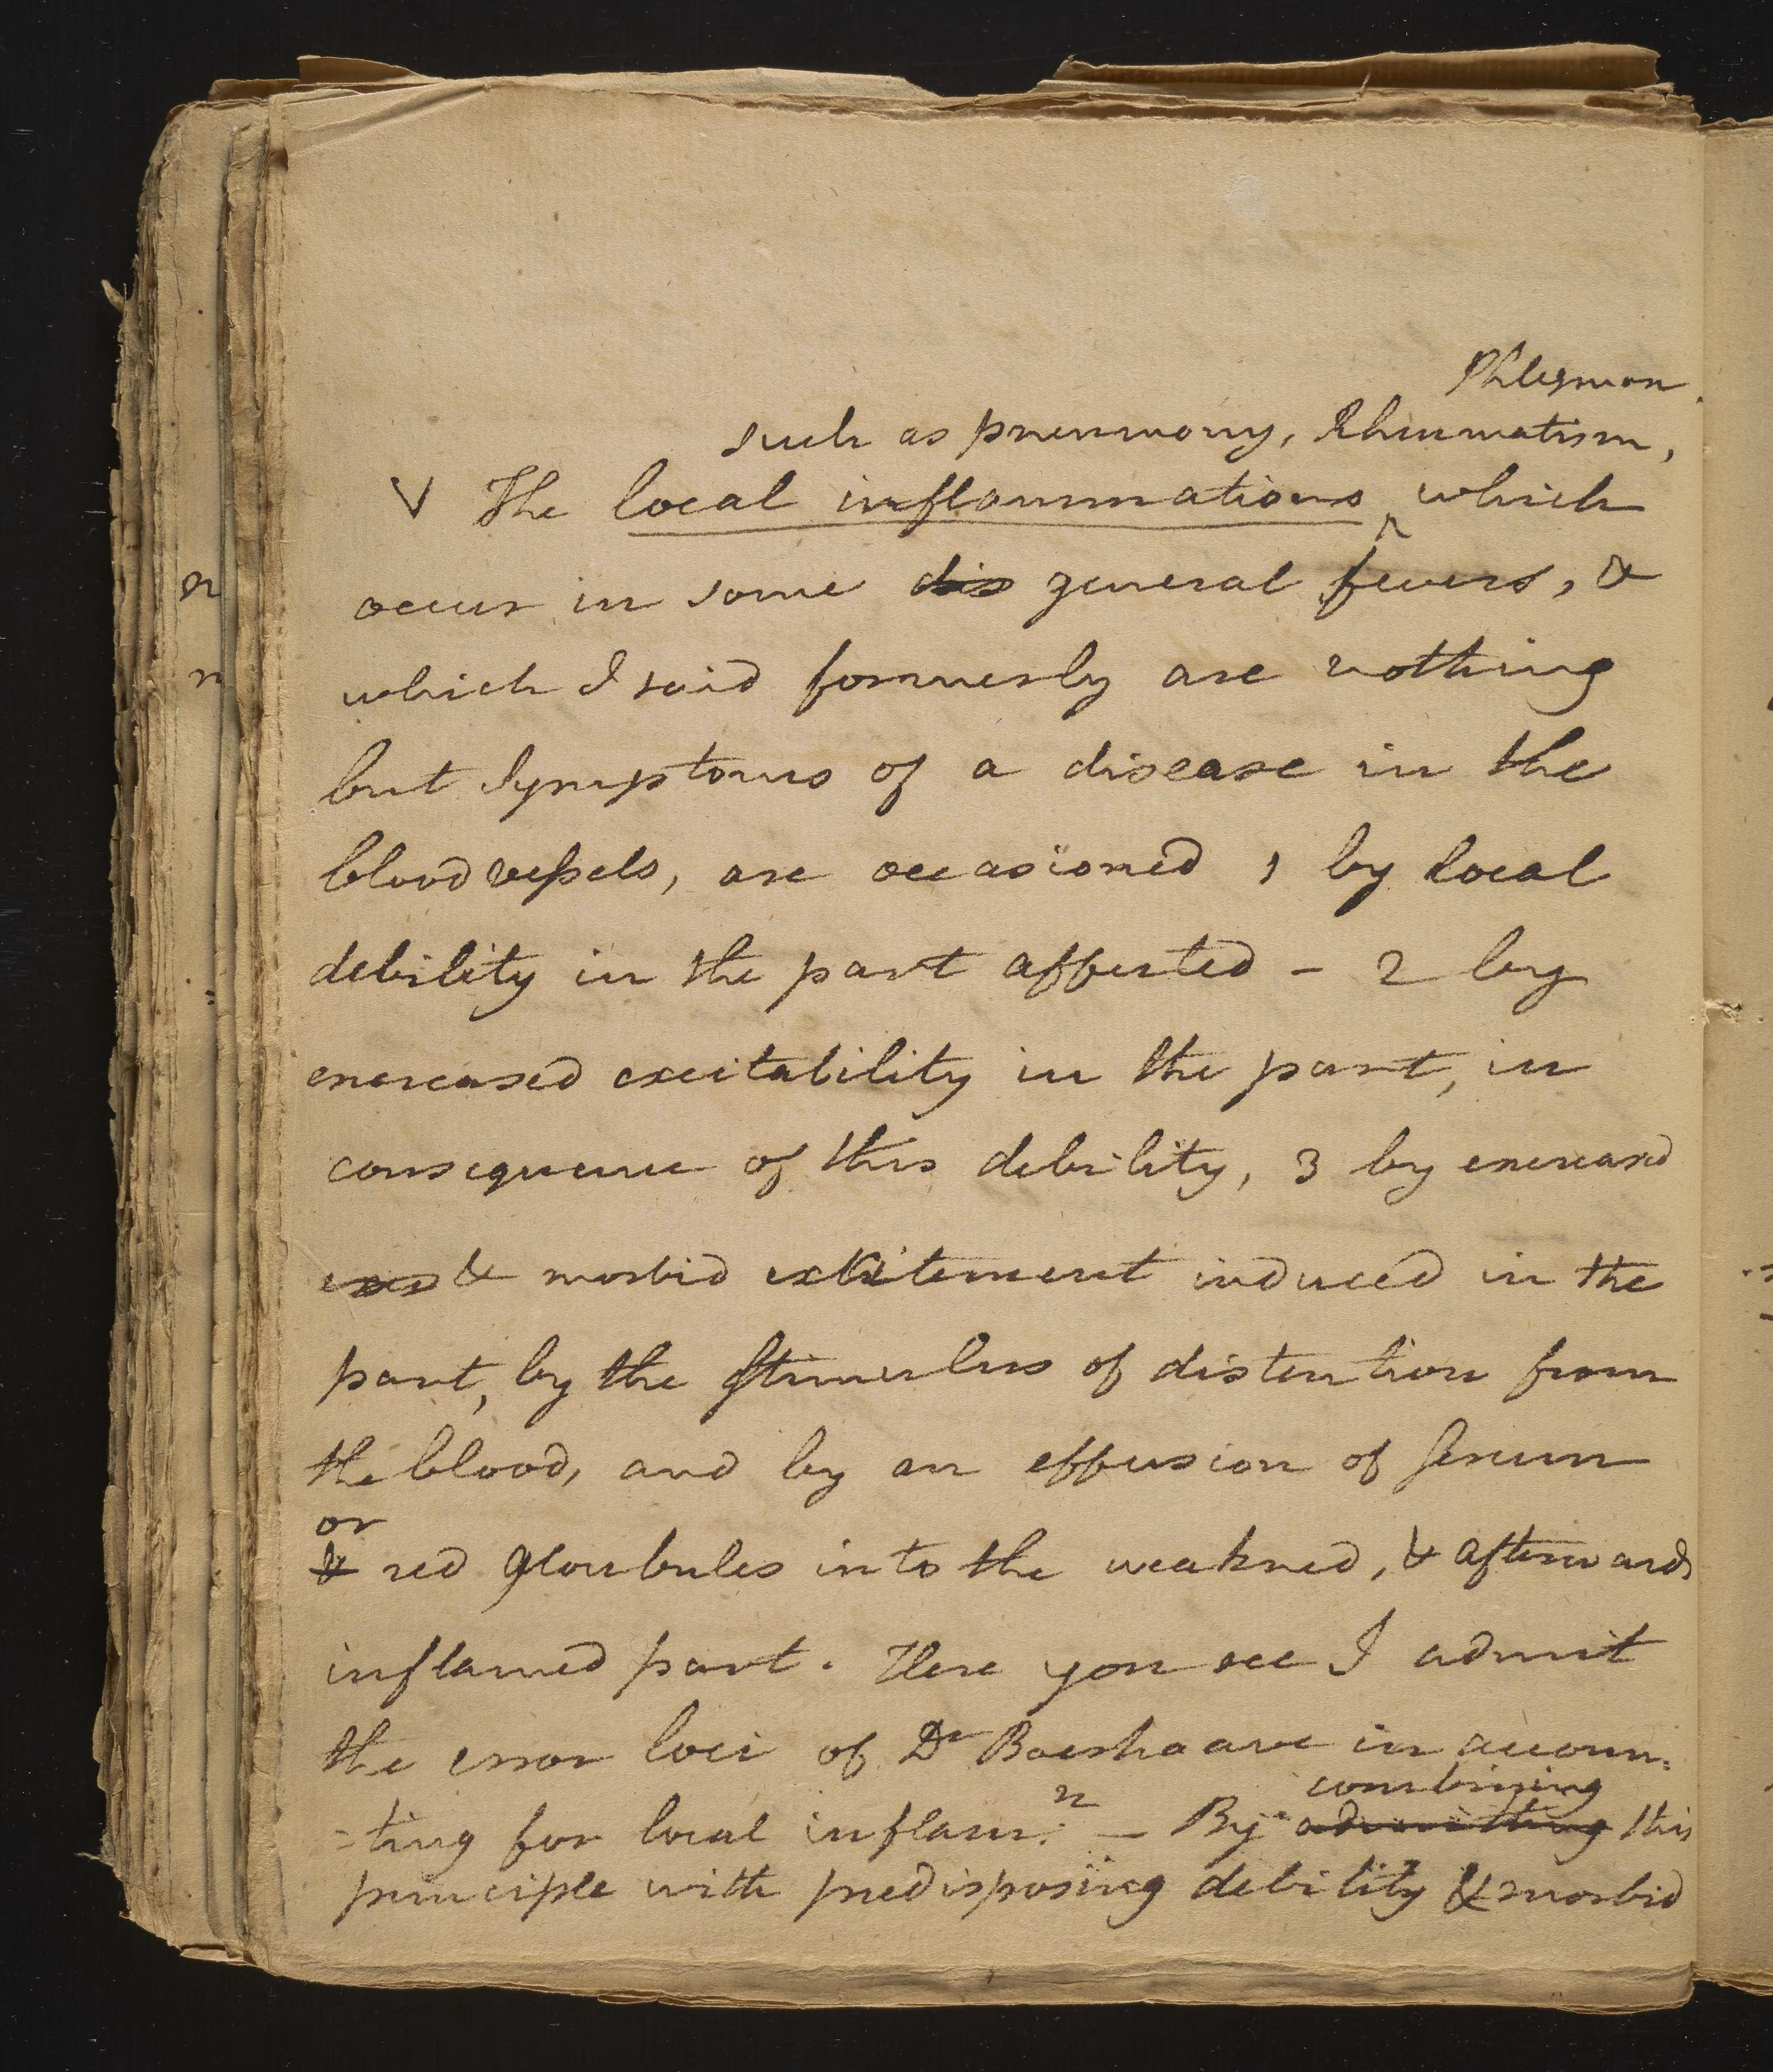Phlegm on
such as pneumony, Rheumatism
V The local inflammations ^ which
occur in some [dis] general fevers, &
which I said formerly are nothing
but symptoms of a disease in the
blood expels, are occasioned, by local
debility in the past affected- 2 by
encreased excitability in the part, in
consequence of this debility, 3 by encreased
& morbid excitedment induced in the
part by the Stimulus of distentions from
the blood, and by an effusion of Serum
or
[&] red gloubules in to the weakened, & after and
inflamed part. Here you see I admit
the error loci of D^r Boerhaave in accoun-
combining
ting for local inflam^n.- By [admitting] this
principle with predisposing debility & morbid